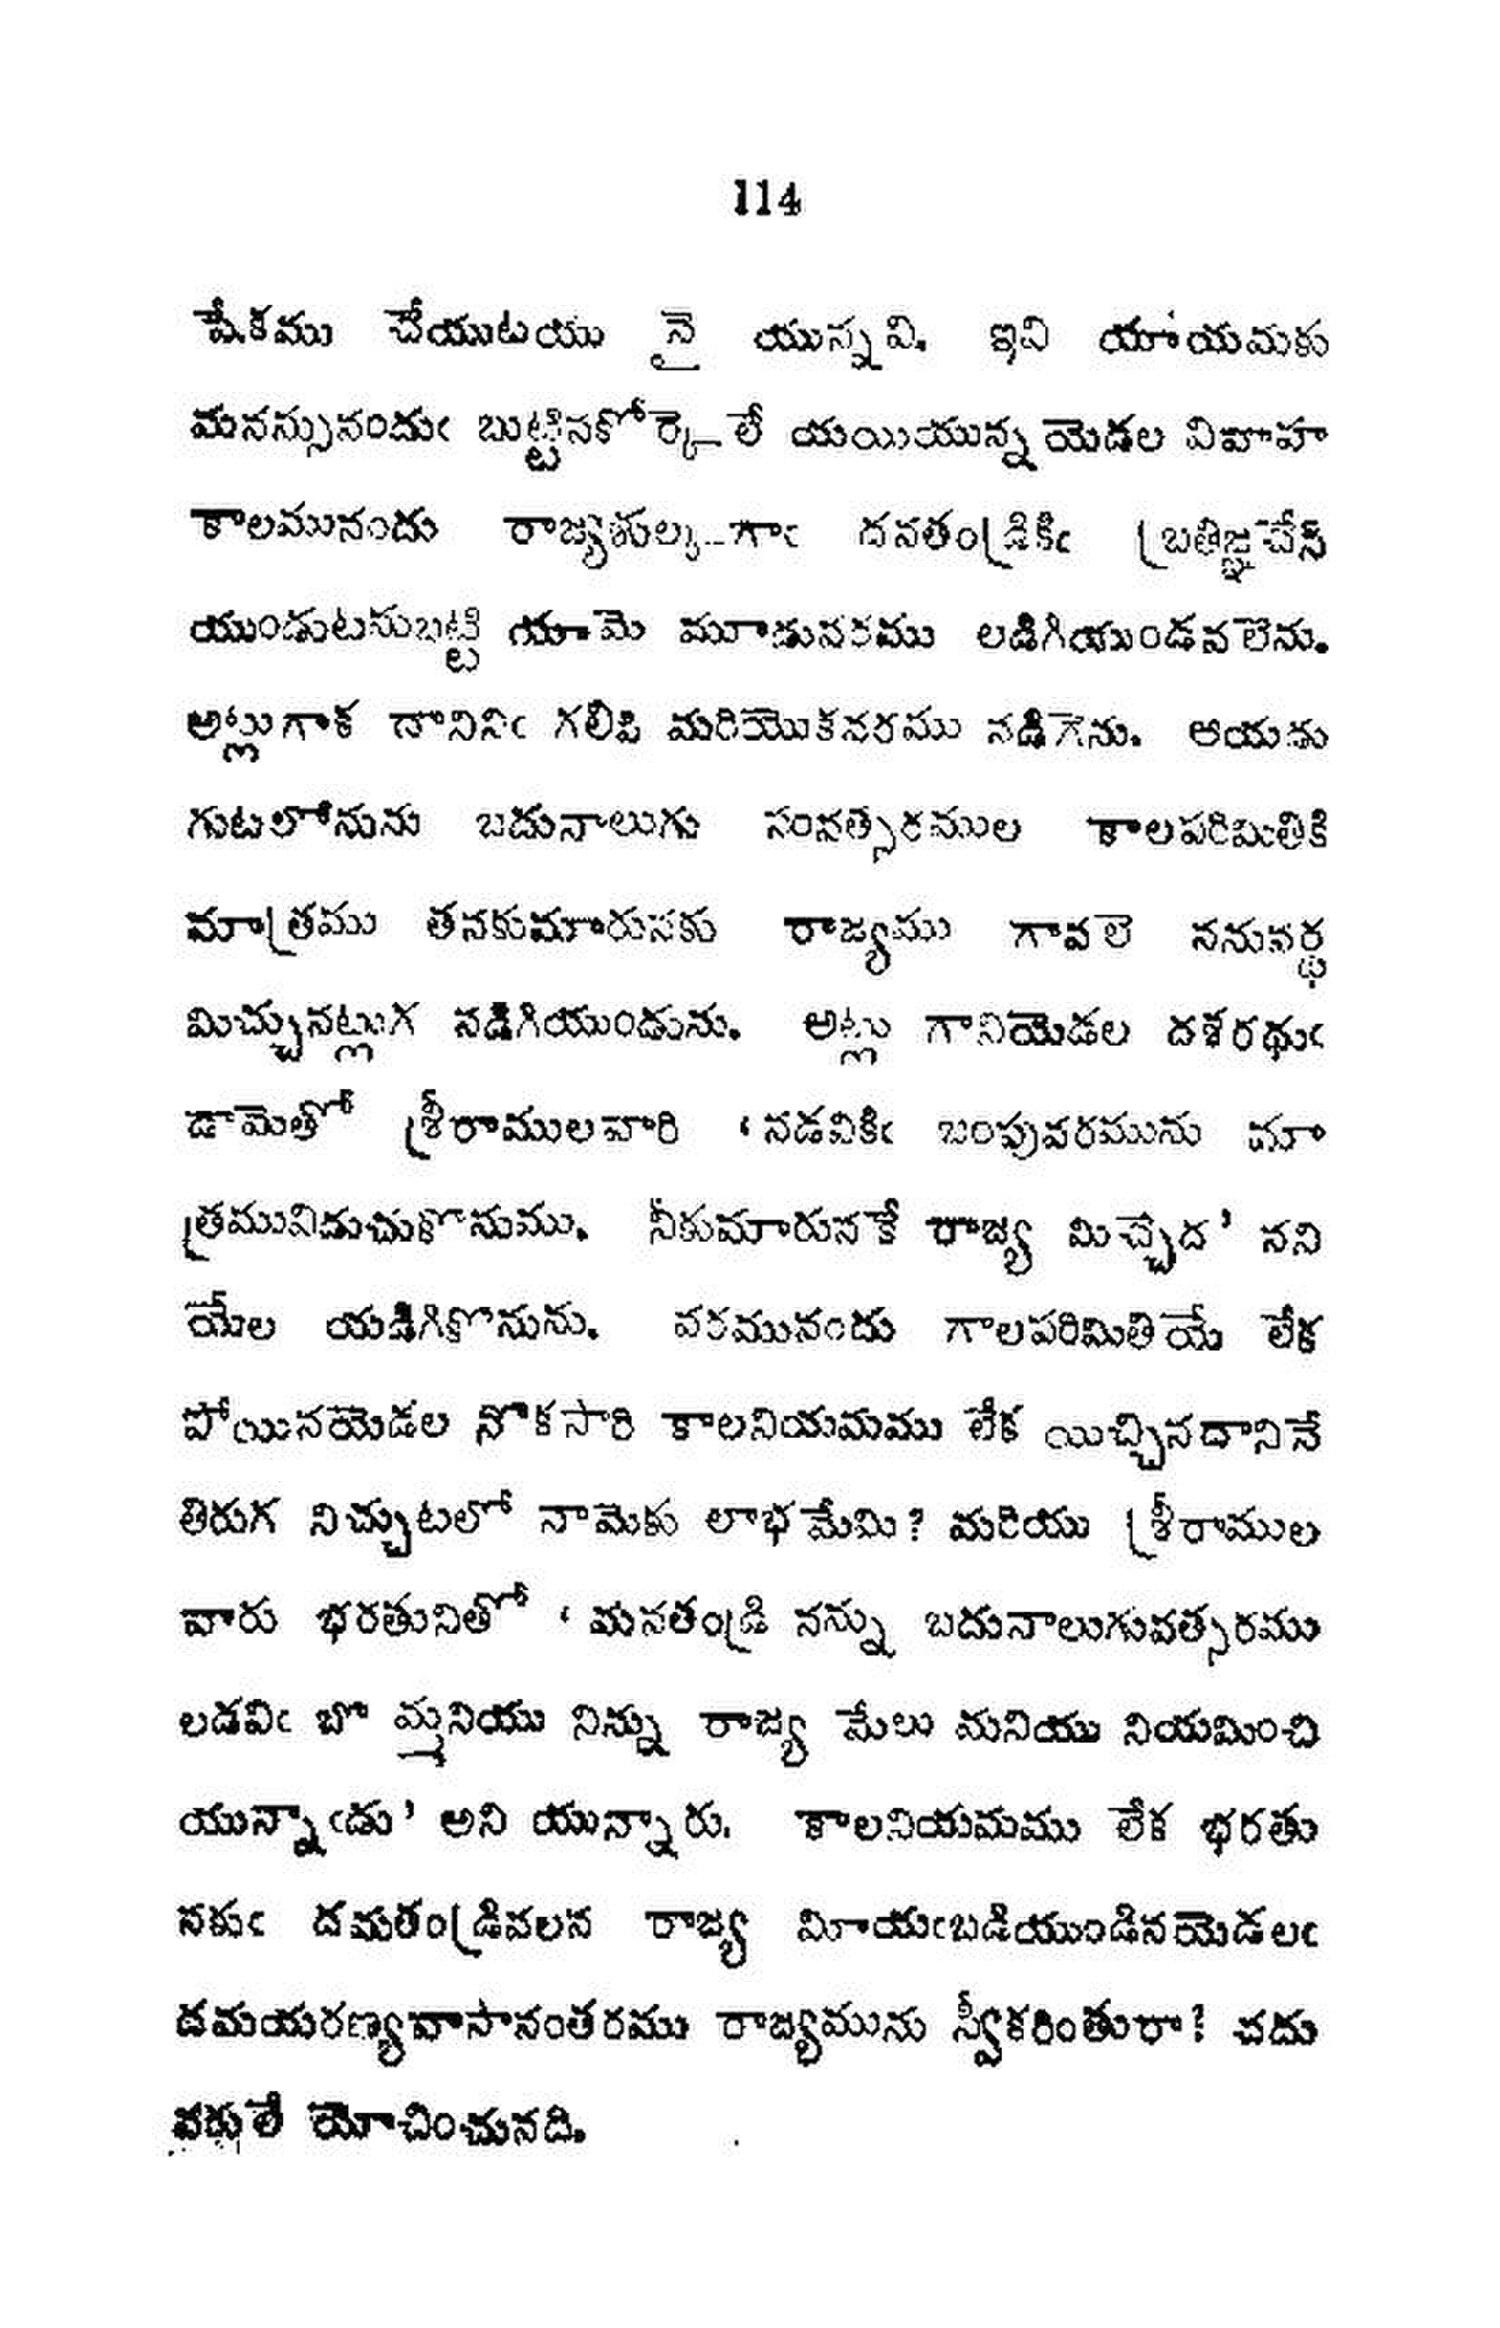షేకము చేయుటయు నై యున్నవి. ఇవి యాయమకు మనస్సునందుఁ బుట్టినకోర్కెలే యయియున్న యెడల వివాహకాలమునందు రాజ్యశుల్క గాఁ దనతండ్రికి బ్రతిజ్ఞచేసి యుండుటనుబట్టి యామె మూడువరము లడిగియుండవలెను. అట్లుగాక దానినిఁ గలిపి మరియొకవరము నడిగెను. ఆయడుగుటలోనును బదునాలుగు సంవత్సరముల కాలపరిమితికి మాత్రము తనకుమారునకు రాజ్యము గావలె ననునర్థ మిచ్చునట్లుగ నడిగియుండును. అట్లు గానియెడల దశరథుఁ డామెతో శ్రీరాములవారి 'నడవికిఁ బంపువరమును మాత్రము విడుచుకొనుము. నీకుమారునకే రాజ్య మిచ్చెద' నని యేల యడిగికొనును. వరమునందు గాలపరిమితియే లేక పోయినయెడల నొకసారి కాలనియమము లేక యిచ్చినదానినే తిరుగ నిచ్చుటలో నామెకు లాభమేమి ? మరియు శ్రీరాముల
వారు భరతునితో 'మనతండ్రి నన్ను బదునాలుగువత్సరము లడవిఁ బొ మ్మనియు నిన్ను రాజ్య మేలు మనియు నియమించి యున్నాడు' అని యున్నారు. కాలనియమము లేక భరతునకుఁ దమతండ్రి వలన రాజ్య మీయఁబడియుండినయెడలఁ దమయరణ్యవాసానంతరము రాజ్యమును స్వీకరింతురా? చదువరులే యోచించునది.